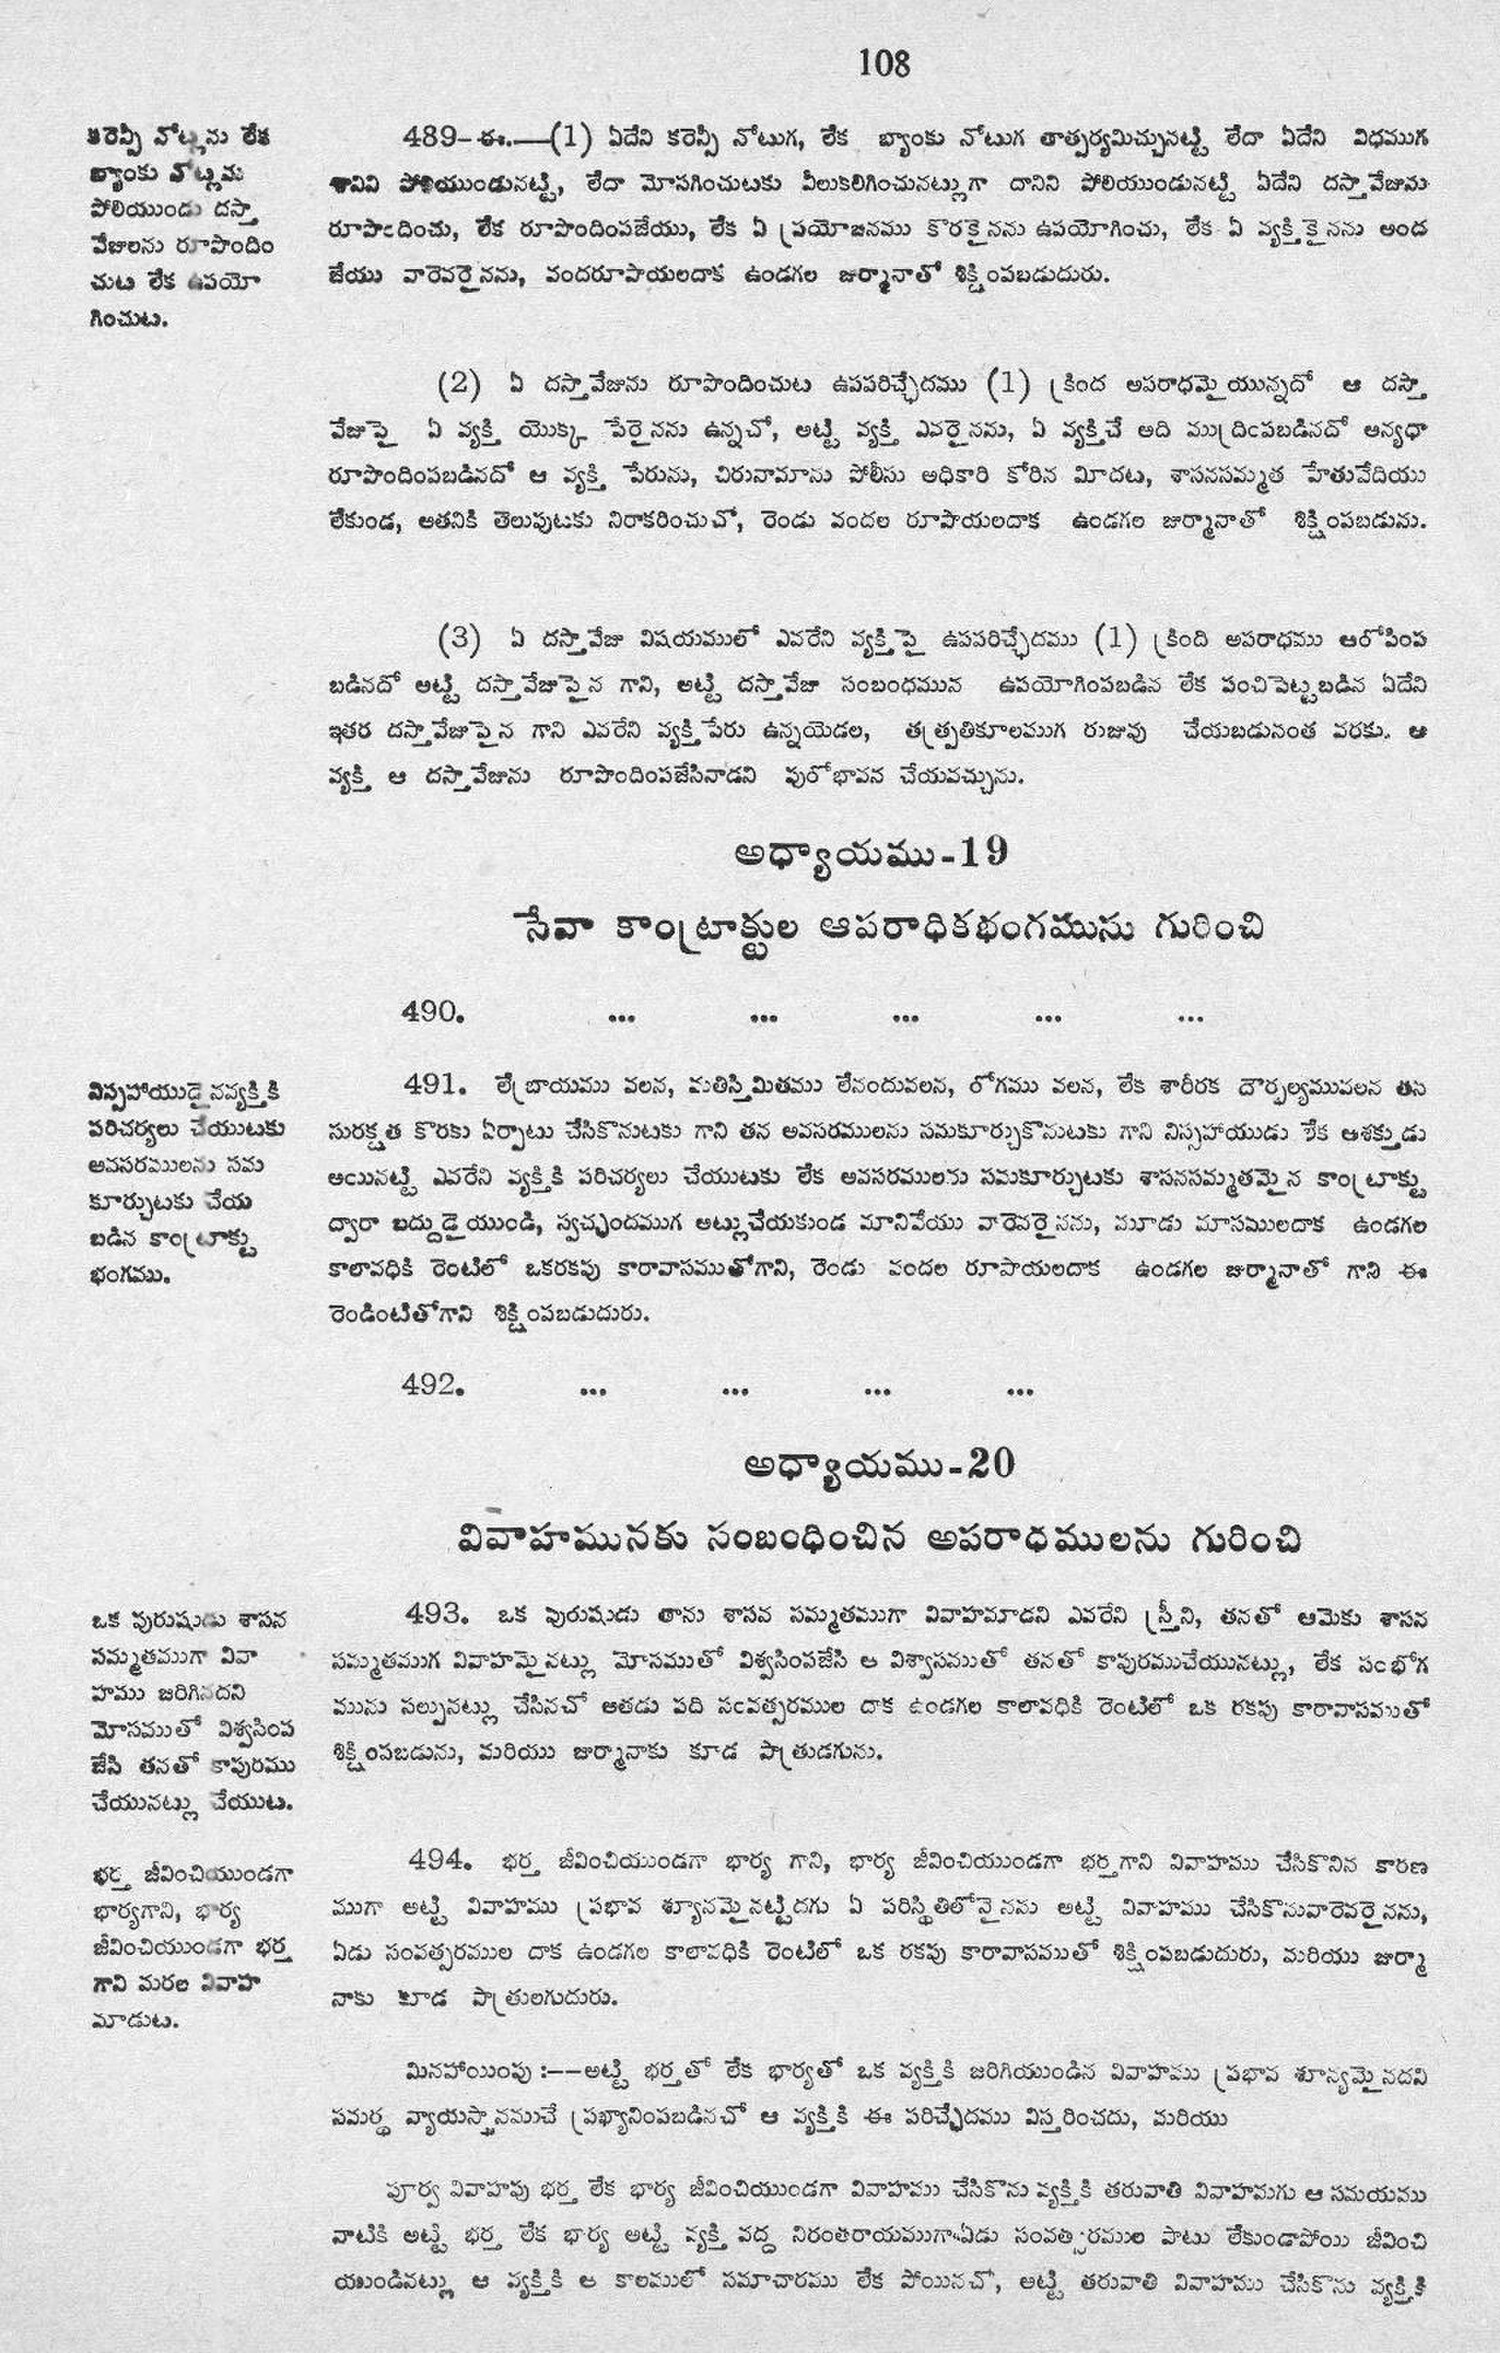కరెన్సీ నోట్లను లేక బ్యాంకు నోట్లను పోలియుండు దస్తావేజులను రూపొందించుట లేక ఉపయోగించుట.

489-ఈ-(1) ఏదేని కరెన్సీ నోటుగ, లేక - బ్యాంకు నోటుగ తాత్పర్యమిచ్చునట్టి లేదా ఏదేని విధముగ దానిని పోలియుండునట్టి, లేదా మోసగించుటకు వీలు కలిగించునట్లుగా దానిని పోలియుండునట్టి ఏదేని దస్తా వేజును రూపొందించు, లేక రూపొందింపజేయు, లేక ఏ ప్రయోజనము కొరకైనను ఉపయోగించు, లేక ఏ వ్యక్తి కైనను అందజేయు వారెవరైనను, వందరూపాయలదాక ఉండగల జుర్మానాతో శిక్షింపబడుదురు.

(2) ఏ దస్తా వేజును రూపొందించుట ఉపపరిచ్ఛేదము (1) క్రింద అపరాధమై యున్నదో ఆ దస్తావేజు పై ఏ వ్యక్తి యొక్క పేరైనను ఉన్నచో, అట్టి వ్యక్తి ఎవరైనను, ఏ వ్యక్తి చే అది ముద్రింపబడినదో అన్యధా రూపొందింపబడినదో ఆ వ్యక్తి పేరును, చిరునామాను పోలీసు అధికారి కోరిన మీదట, శాసనసమ్మత హేతువేదియు లేకుండ, అతనికి తెలుపుటకు నిరాకరించు చో, రెండు వందల రూపాయలదాక ఉండగల జుర్మానాతో శిక్షింపబడును.

(3) ఏ దస్తా వేజు విషయములో ఎవరేని వ్యక్తి పై ఉపపరిచ్ఛేదము (1) క్రింది అపరాధము ఆరోపింపబడినదో అట్టి దస్తా వేజు పైన గాని, అట్టి దస్తావేజా సంబంధమున ఉపయోగింపబడిన లేక పంచి పెట్టబడిన ఏదేని ఇతర దస్తా వేజు పైన గాని ఎవరేని వ్యక్తి పేరు ఉన్నయెడల, తత్పతికూలముగ రుజువు చేయబడునంత వరకు, ఆ వ్యక్తి ఆ దస్తావేజును రూపొందింపజేసినాడని పురోభావన చేయవచ్చును.

490. ... ... ... ...

నిస్సహాయుడై నవ్యక్తికి పరిచర్యలు చేయుటకు అవసరములను సమకూర్చుటకు చేయబడిన కాంట్రాక్టు భంగము.

491. లేబ్రాయము వలన, మతిస్తి మితము లేనందువలన, రోగము వలన, లేక శారీరక దౌర్భల్యమువలన తన సురక్షత కొరకు ఏర్పాటు చేసికొనుటకు గాని తన అవసరములను సమకూర్చుకొనుటకు గాని నిస్సహాయుడు లేక అశక్తుడు అయినట్టి ఎవరేని వ్యక్తి కి పరిచర్యలు చేయుటకు లేక అవసరములను సమకూర్చుటకు శాసనసమ్మతమైన కాంట్రాక్టు ద్వారా బద్దుడై యుండి, స్వచ్ఛందముగ అట్లు చేయకుండ మానివేయు వారెవరైనను, మూడు మాసములదాక ఉండగల కాలావధికి రెంటిలో ఒకరకపు కారావాసముతోగాని, రెండు వందల రూపాయలదాక ఉండగల జుర్మానాతో గాని ఈ రెండింటితోగాని శిక్షింపబడుదురు.

492 ... ... ... ...

ఒక పురుషుడు శాసన సమ్మతముగా వివాహము జరిగినదని మోసముతో విశ్వసింప జేసి తనతో కాపురము చేయునట్లు చేయుట.

493. ఒక పురుషుడు తాను శాసన సమ్మతముగా వివాహమాడని ఎవరేని స్త్రీని, తనతో ఆమెకు శాసన సమ్మతముగ వివాహమై నట్లు మోసముతో విశ్వసింపజేసి ఆ విశ్వాసముతో తనతో కాపురముచేయునట్లు, లేక సంభోగమును సల్పునట్లు చేసినచో ఆతడు పది సంవత్సరముల దాక ఉండగల కాలావధికి రెంటిలో ఒక రకపు కారావాసముతో శిక్షింపబడును, మరియు జుర్మానాకు కూడ పాత్రుడగును.

భర్త జీవించియుండగా భార్యగాని, భార్య జీవించియుండగా భర్త గాని మరల వివాహమాడుట.

494. భర్త జీవించియుండగా భార్య గాని, భార్య జీవించియుండగా భర్త గాని వివాహము చేసికొనిన కారణముగా అట్టి వివాహము ప్రభావ శ్యూనమై నట్టి దగు ఏ పరిస్థితిలోనై నను అట్టి వివాహము చేసికొనువారెవరైనను,ఏడు సంవత్సరముల దాక ఉండగల కాలావధికి రెంటిలో ఒక రకపు కారావాసముతో శిక్షింపబడుదురు, మరియు జుర్మానాకు కూడ పాత్రులగుదురు.

మినహాయింపు :-- అట్టి భర్తతో లేక భార్యతో ఒక వ్యక్తి కి జరిగియుండిన వివాహము ప్రభావ శూన్యమై నదని సమర్థ వ్యాయస్తానముచే ప్రఖ్యానింపబడిన చో ఆ వ్యక్తి కి ఈ పరిచ్ఛేదము విస్త రించదు, మరియు

పూర్వ వివాహపు భర్త లేక భార్య జీవించియుండగా వివాహము చేసికొను వ్యక్తి కి తరువాతి వివాహమగు ఆ సమయము నాటికి అట్టి భర్త లేక భార్య అట్టి వ్యక్తి వద్ద నిరంతరాయముగా ఏడు సంవత్సరముల పాటు లేకుండాపోయి జీవించి యుండినట్లు ఆ వ్యక్తికి ఆ కాలములో సమాచారము లేక పోయినచో, అట్టి తరువాతి వివాహము చేసికొను వ్యక్తి కి